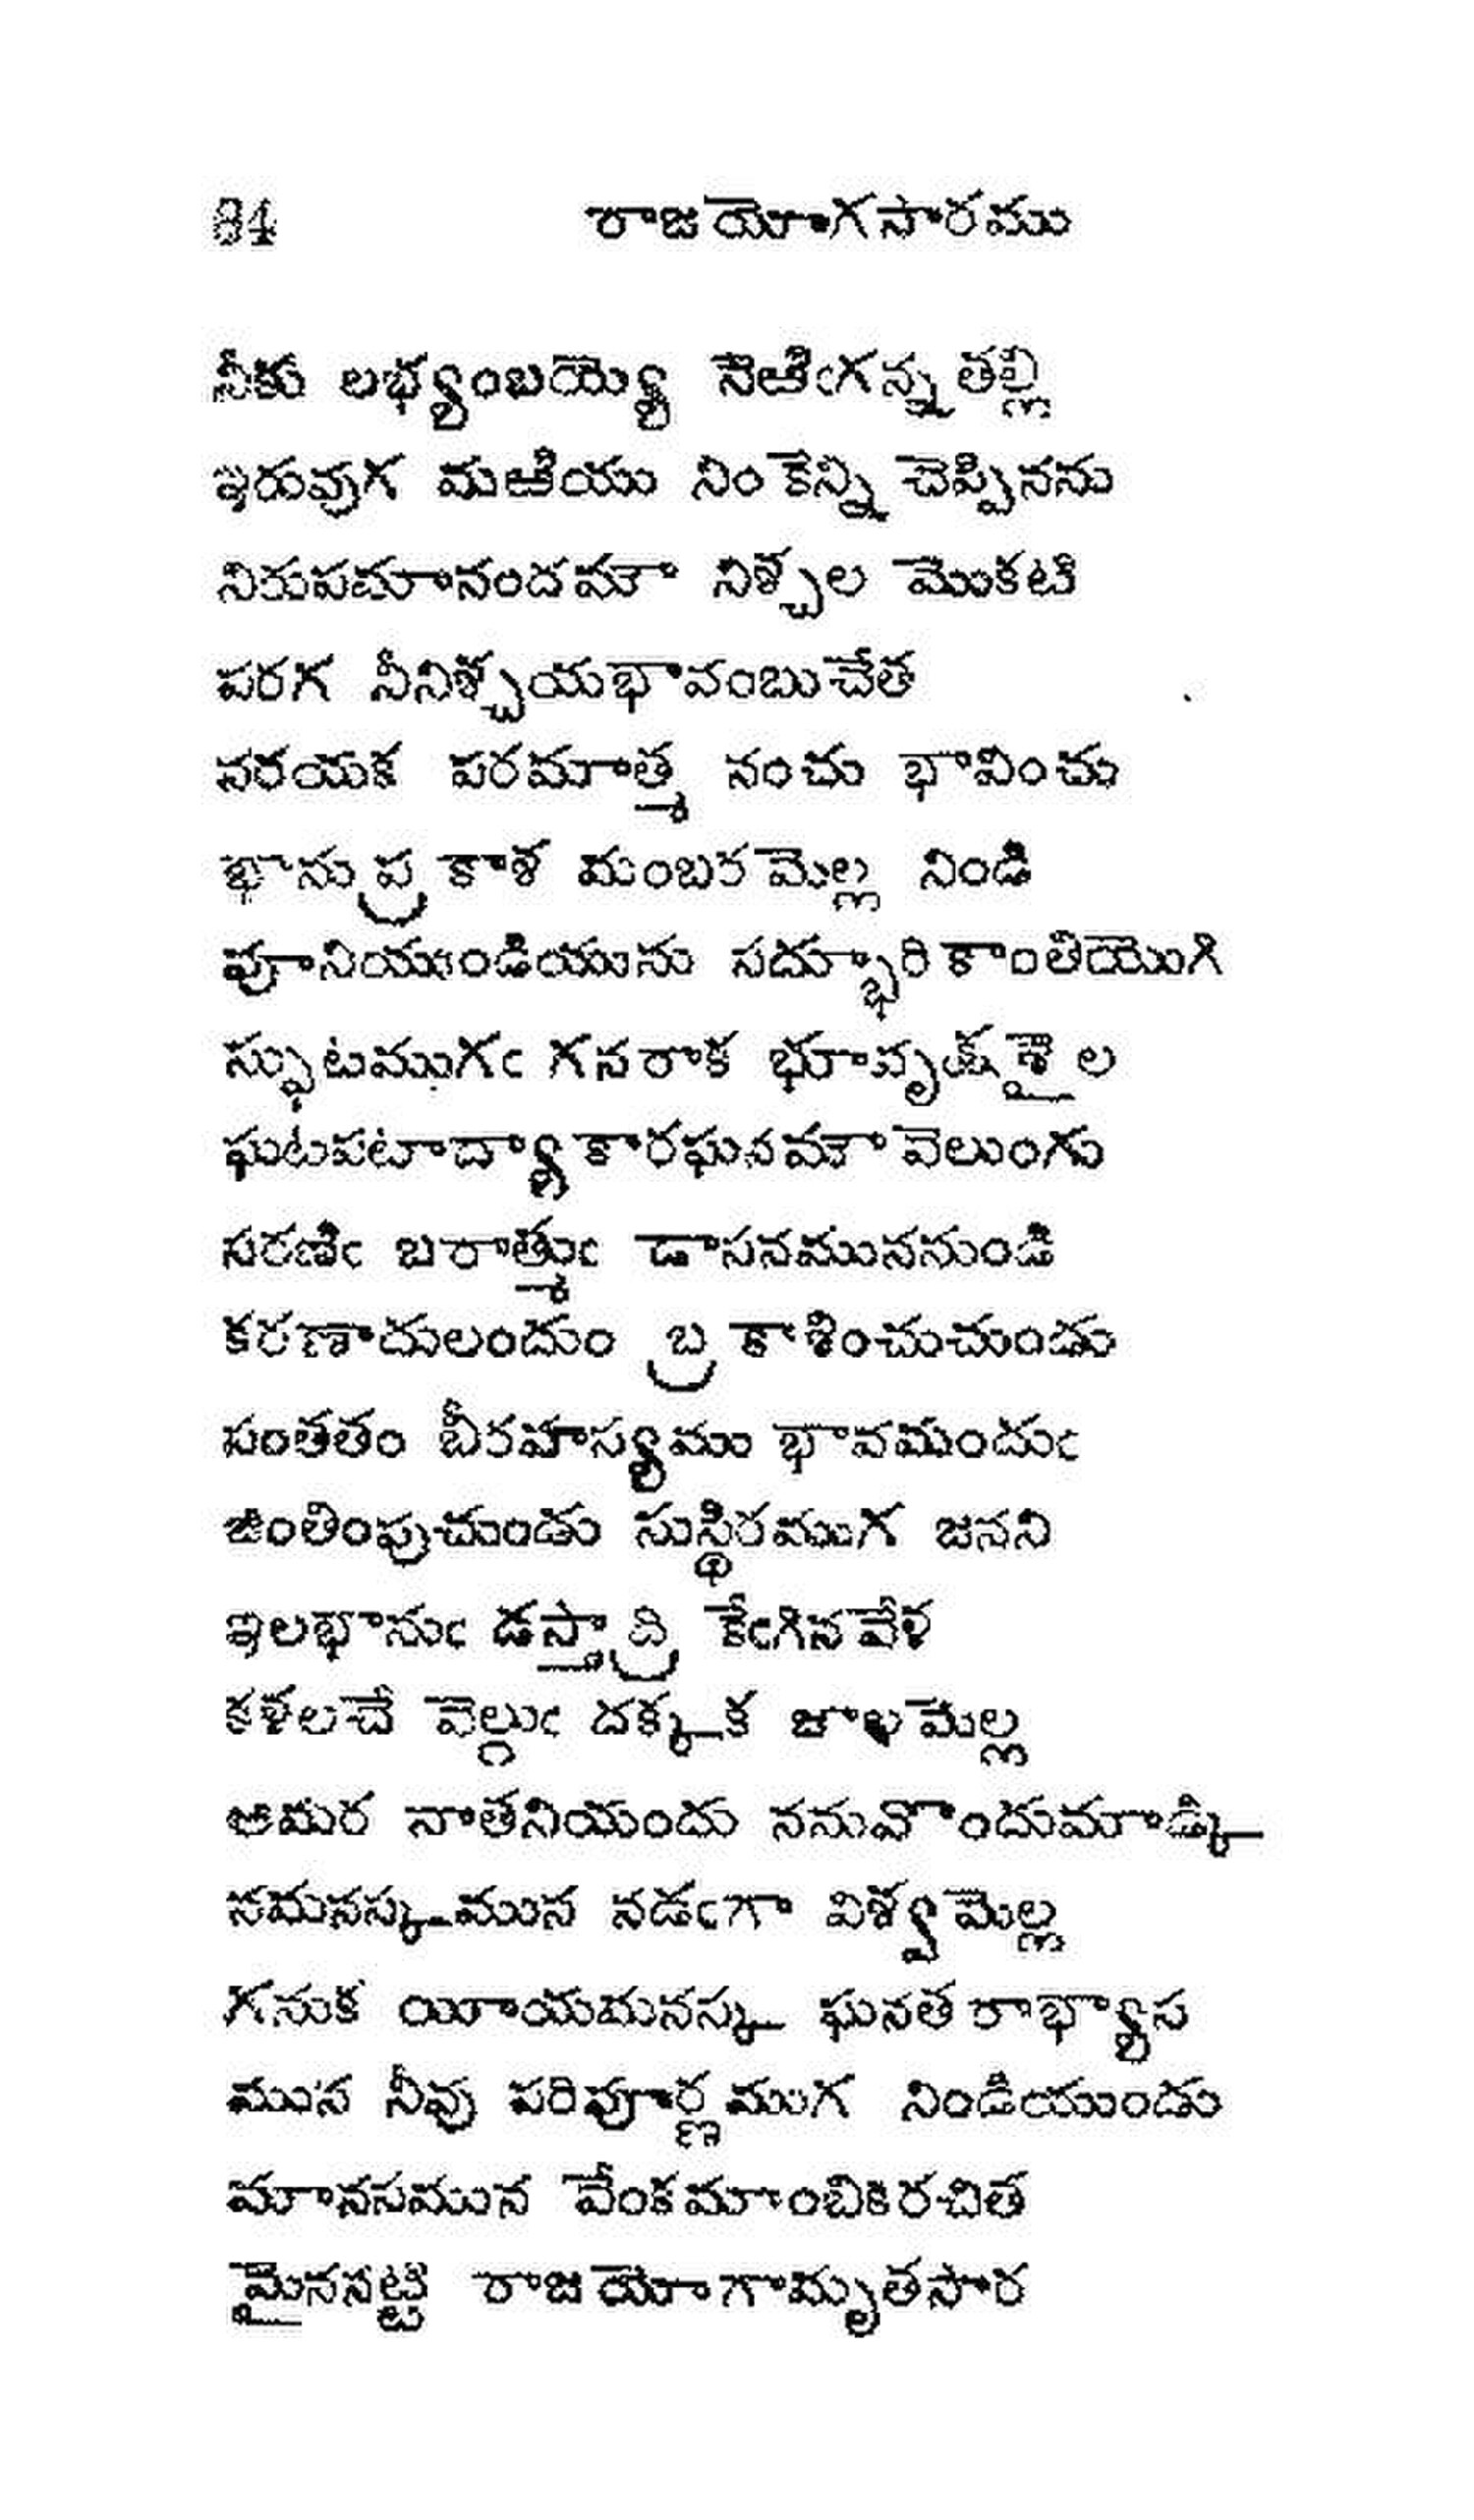నీకు లభ్యంబయ్యె నెఱిఁగన్న తల్లి
ఇరువుగ మఱియు నింకెన్ని చెప్పినను
నిరుపమానందమౌ నిశ్చల మొకటి
పరగ నీనిశ్చయభావంబుచేత
నరయక పరమాత్మ నంచు భావించు
భానుప్రకాశ మంబరమెల్ల నిండి
పూనియుండియును సద్భూరికాంతియొగి
స్ఫుటముగఁ గనరాక భూవృక్షశైల
ఘటపటాద్యాకారఘనమౌ వెలుంగు
సరణిఁ బరాత్ముఁ డాసనముననుండి
కరణాదులందుం బ్రకాశించుచుండు
సంతతం బీరహస్యము భావమందుఁ
జింతింపుచుండు సుస్థిరముగ జనని 
ఇలభానుఁ డస్తాద్రి కేఁగినవేళ
కళలచే వెల్గుఁ దక్కక జాలమెల్ల
అమర నాతనియందు ననువొందుమాడ్కి
నమనస్కమున నడఁగా విశ్వమెల్ల
గనుక యీయమనస్క ఘనతరాభ్యాస
మున నీవు పరిపూర్ణముగ నిండియుండు
మానసమున వేంకమాంబికరచిత
మైననట్టి రాజయోగామృతసార